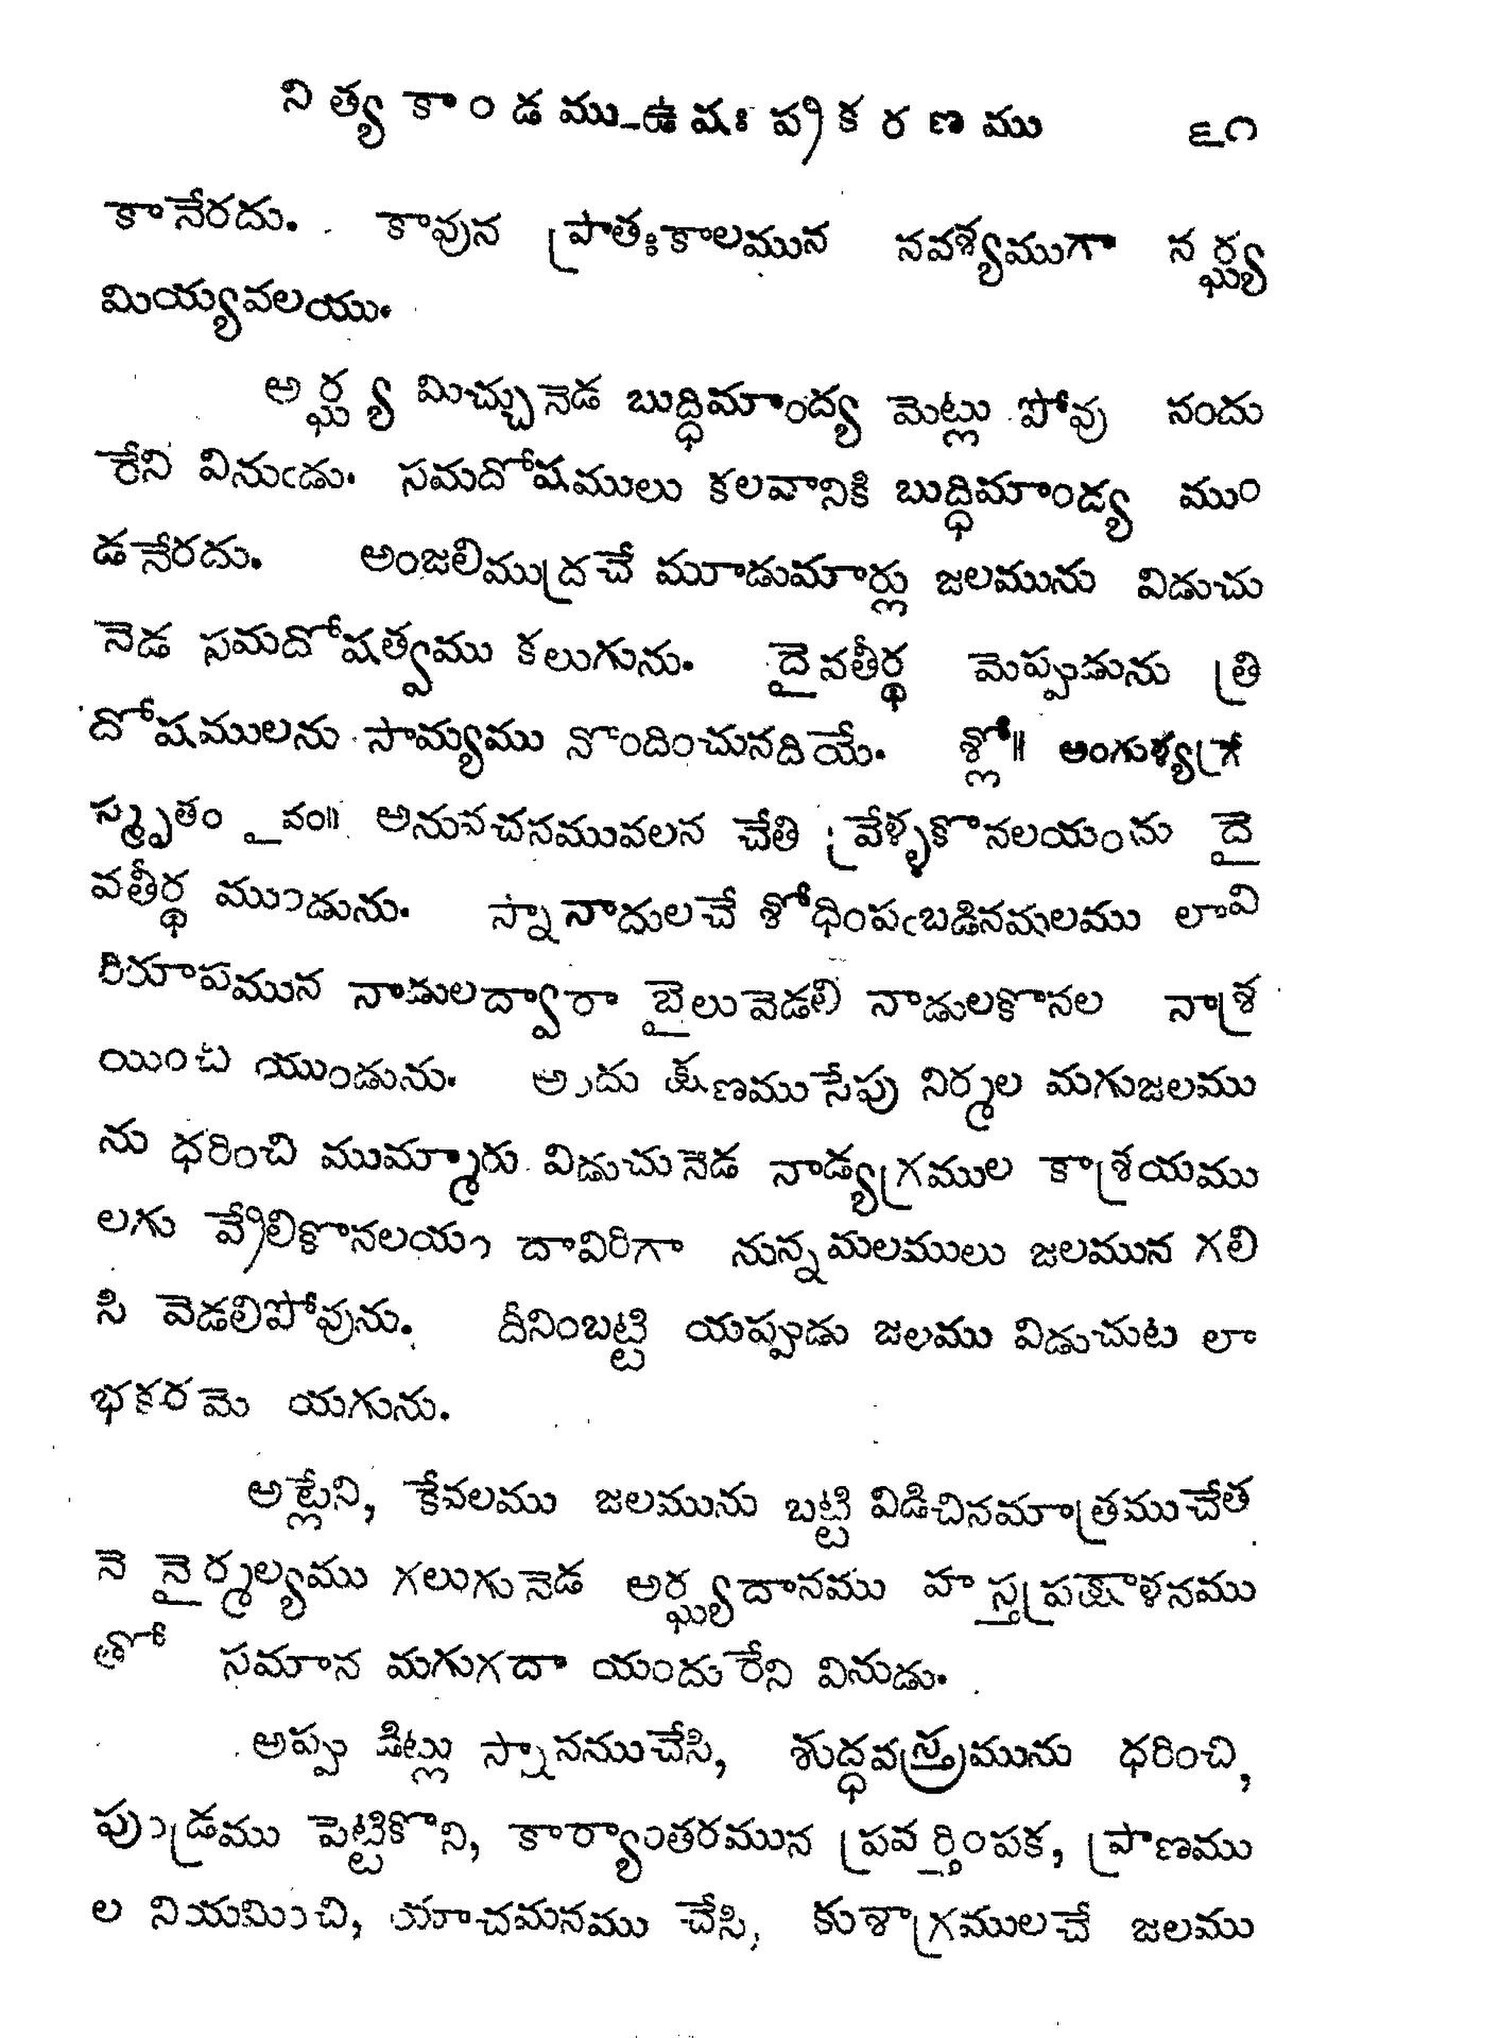కానేరదు. . కావున ప్రాతఃకాలమున నవశ్యముగా నర్ఘ్య మియ్యవలయు.

అర్ఘ్య మిచ్చునెడ బుద్ధిమాంద్య మెట్లు పోవు నందురేని వినుఁడు. సమదోషములు కలవానికి బుద్ధిమాంద్య ముండనేరదు. అంజలిముద్రచే మూడుమార్లు జలమును విడుచునెడ సమదోషత్వము కలుగును. దైవతీర్థ మెప్పుడును త్రిదోషములను సామ్యము నొందించునదియే. శ్లో॥ అంగుళ్యగ్రే స్మృతం వైవం అనువచనమువలన చేతి వ్రేళ్ళకొనలయందు దైవతీర్థ ముండును. స్నానాదులచే శోధింపఁబడినమలము లావిరిరూపమున నాడులద్వారా బైలువెడలి నాడులకొనల నాశ్రయించి యుండును. అందు క్షణముసేపు నిర్మల మగుజలమును ధరించి ముమ్మారు విడుచునెడ నాడ్యగ్రముల కాశ్రయములగు వ్రేలికొనలయం దావిరిగా నున్నమలములు జలమున గలిసి వెడలిపోవును. దీనింబట్టి యప్పుడు జలము విడుచుట లాభకరమె యగును.

అట్లేని, కేవలము జలమును బట్టి విడిచినమాత్రముచేతనె నైర్మల్యము గలుగునెడ అర్ఘ్యదానము హస్తప్రక్షాళనముతో
సమాన మగుగదా యందురేని వినుడు.

అప్పు డిట్లు స్నానముచేసి, శుద్ధవస్త్రమును ధరించి, పుండ్రము పెట్టికొని, కార్యాంతరమున ప్రవర్తింపక, ప్రాణముల నియమించి, యాచమనము చేసి, కుశాగ్రములచే జలము